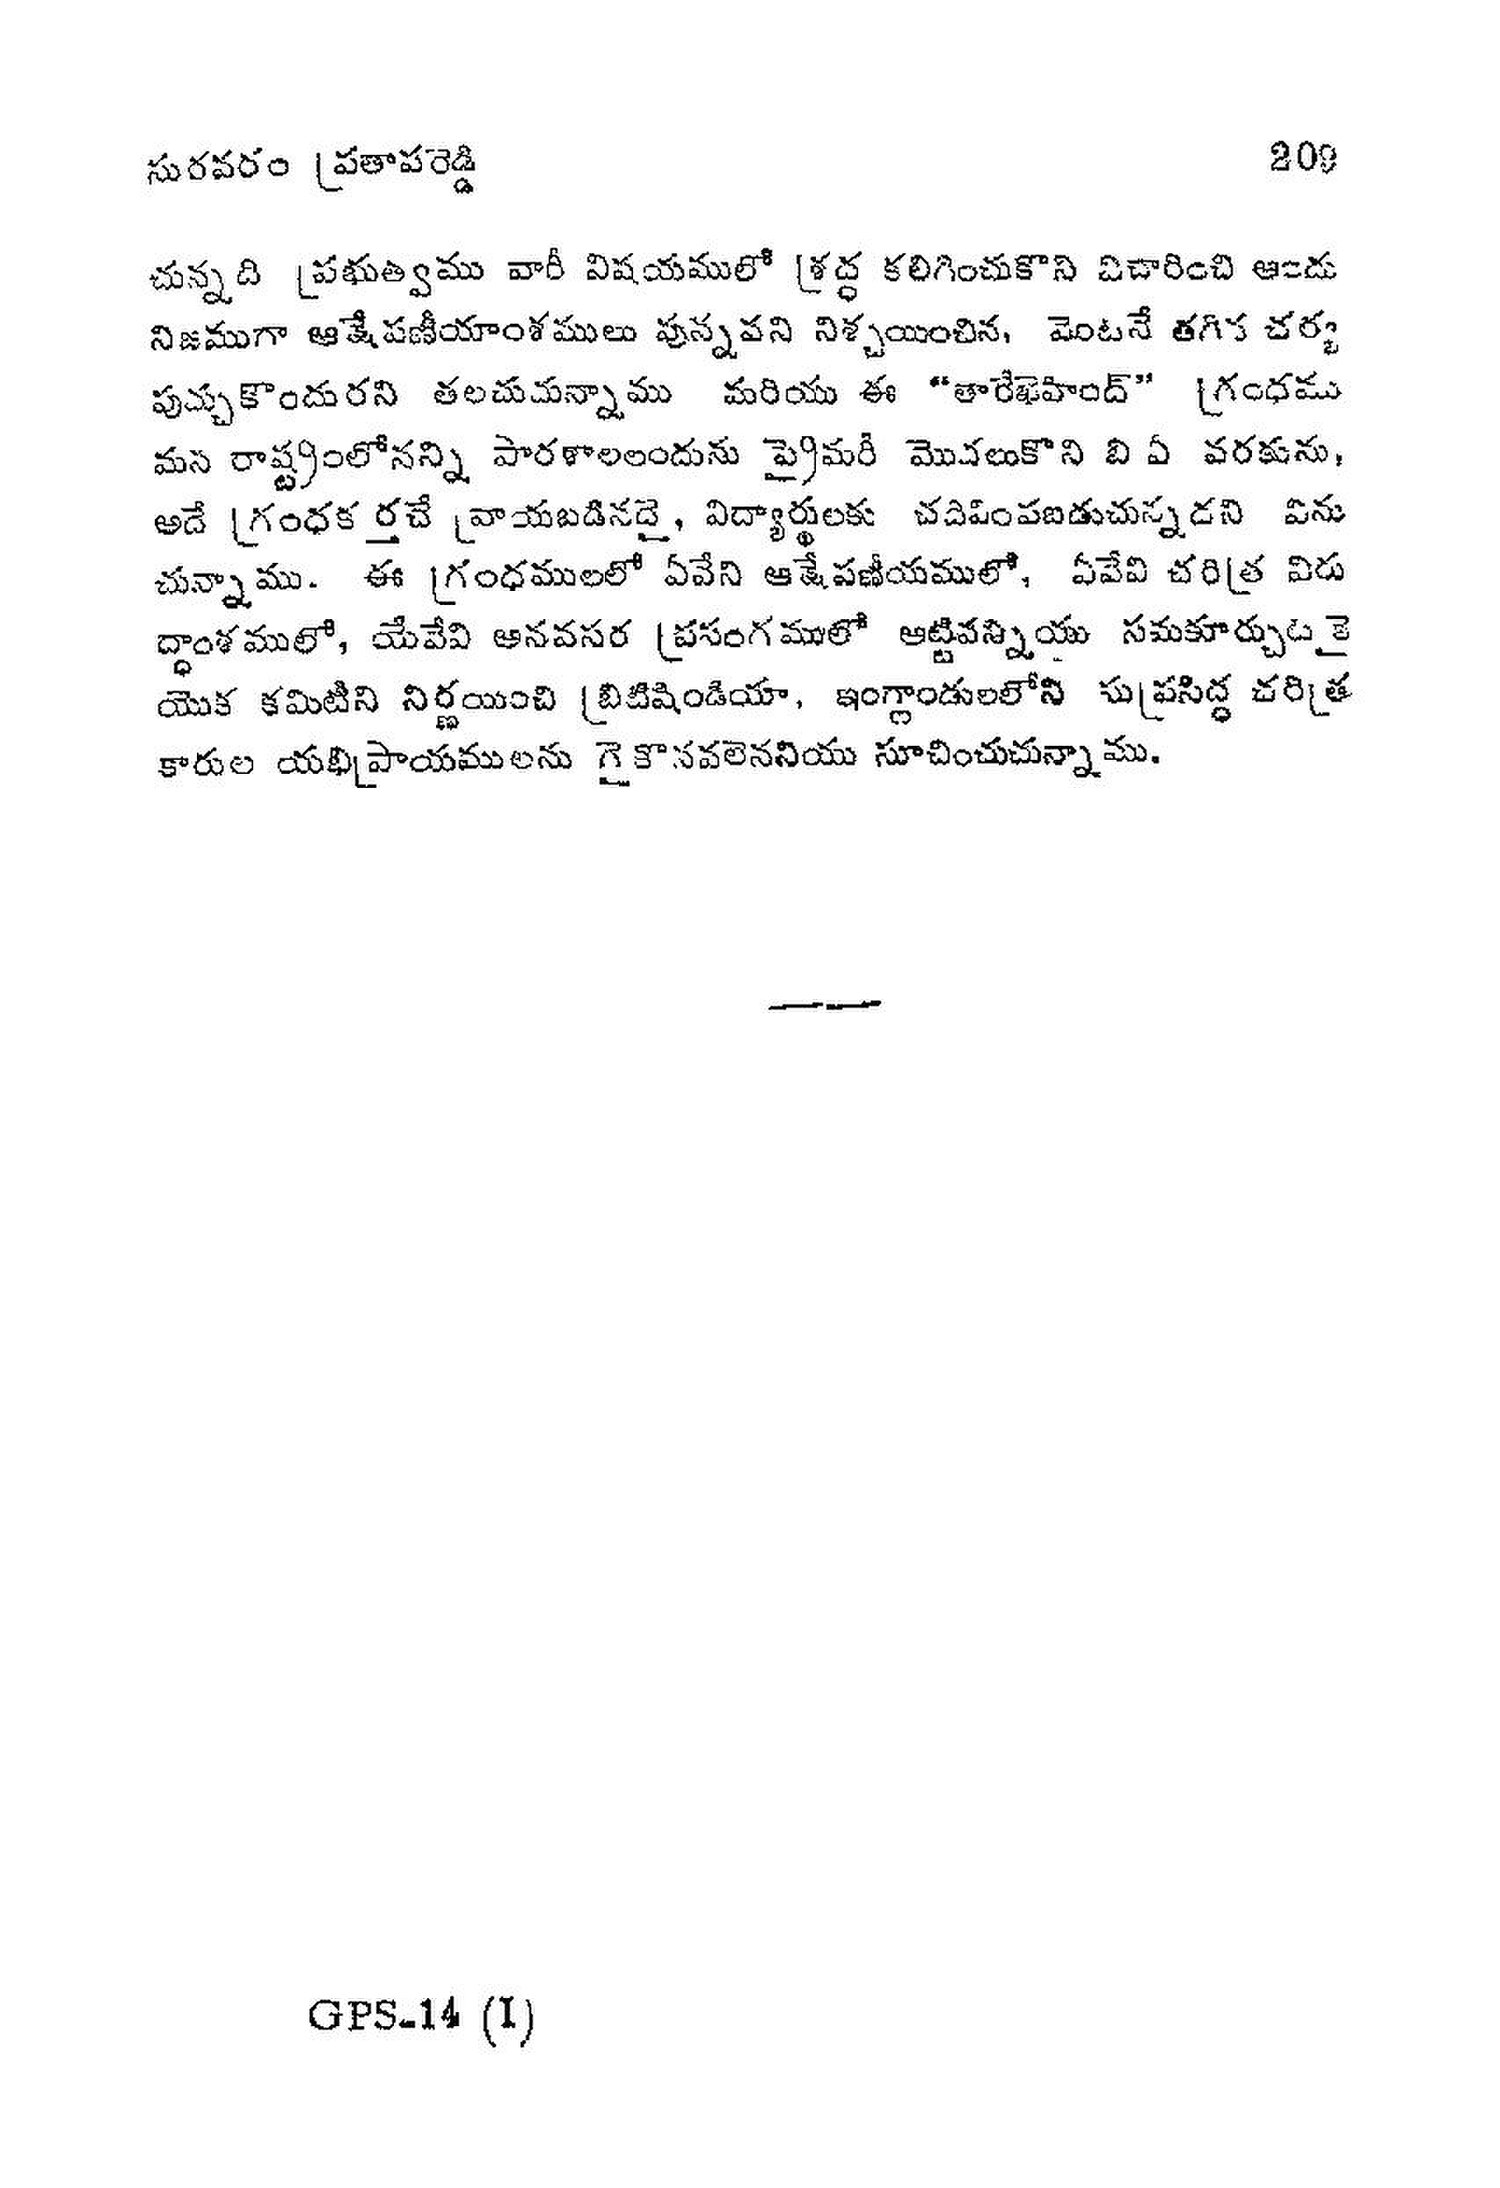చున్నది ప్రభుత్వము వారీ విషయములో శ్రద్ధ కలిగించుకొని విచారించి అందు నిజముగా ఆక్షేపణీయాంశములు వున్నవని నిశ్చయించిన, వెంటనే తగిన చర్య పుచ్చుకొందురని తలచుచున్నాము మరియు ఈ "తారేఖెహింద్" గ్రంధము మన రాష్ట్రంలోనన్ని పాఠశాలలందును ప్రైమరీ మొదలుకొని బి ఏ వరకును, అదే గ్రంధకర్తచే వ్రాయబడినదై, విద్యార్థులకు చదివింపబడుచున్నదని వినుచున్నాము. ఈ గ్రంధములలో ఏవేని ఆక్షేపణీయములో, ఏవేవి చరిత్ర విరుద్ధాంశములో, యేవేవి అనవసర ప్రసంగములో అట్టివన్నియు సమకూర్చుటకై యొక కమిటీని నిర్ణయించి బ్రిటిషిండియా, ఇంగ్లాండులలోని సుప్రసిద్ధ చరిత్రకారుల యభిప్రాయములను గైకొనవలెననియు సూచించుచున్నాము.